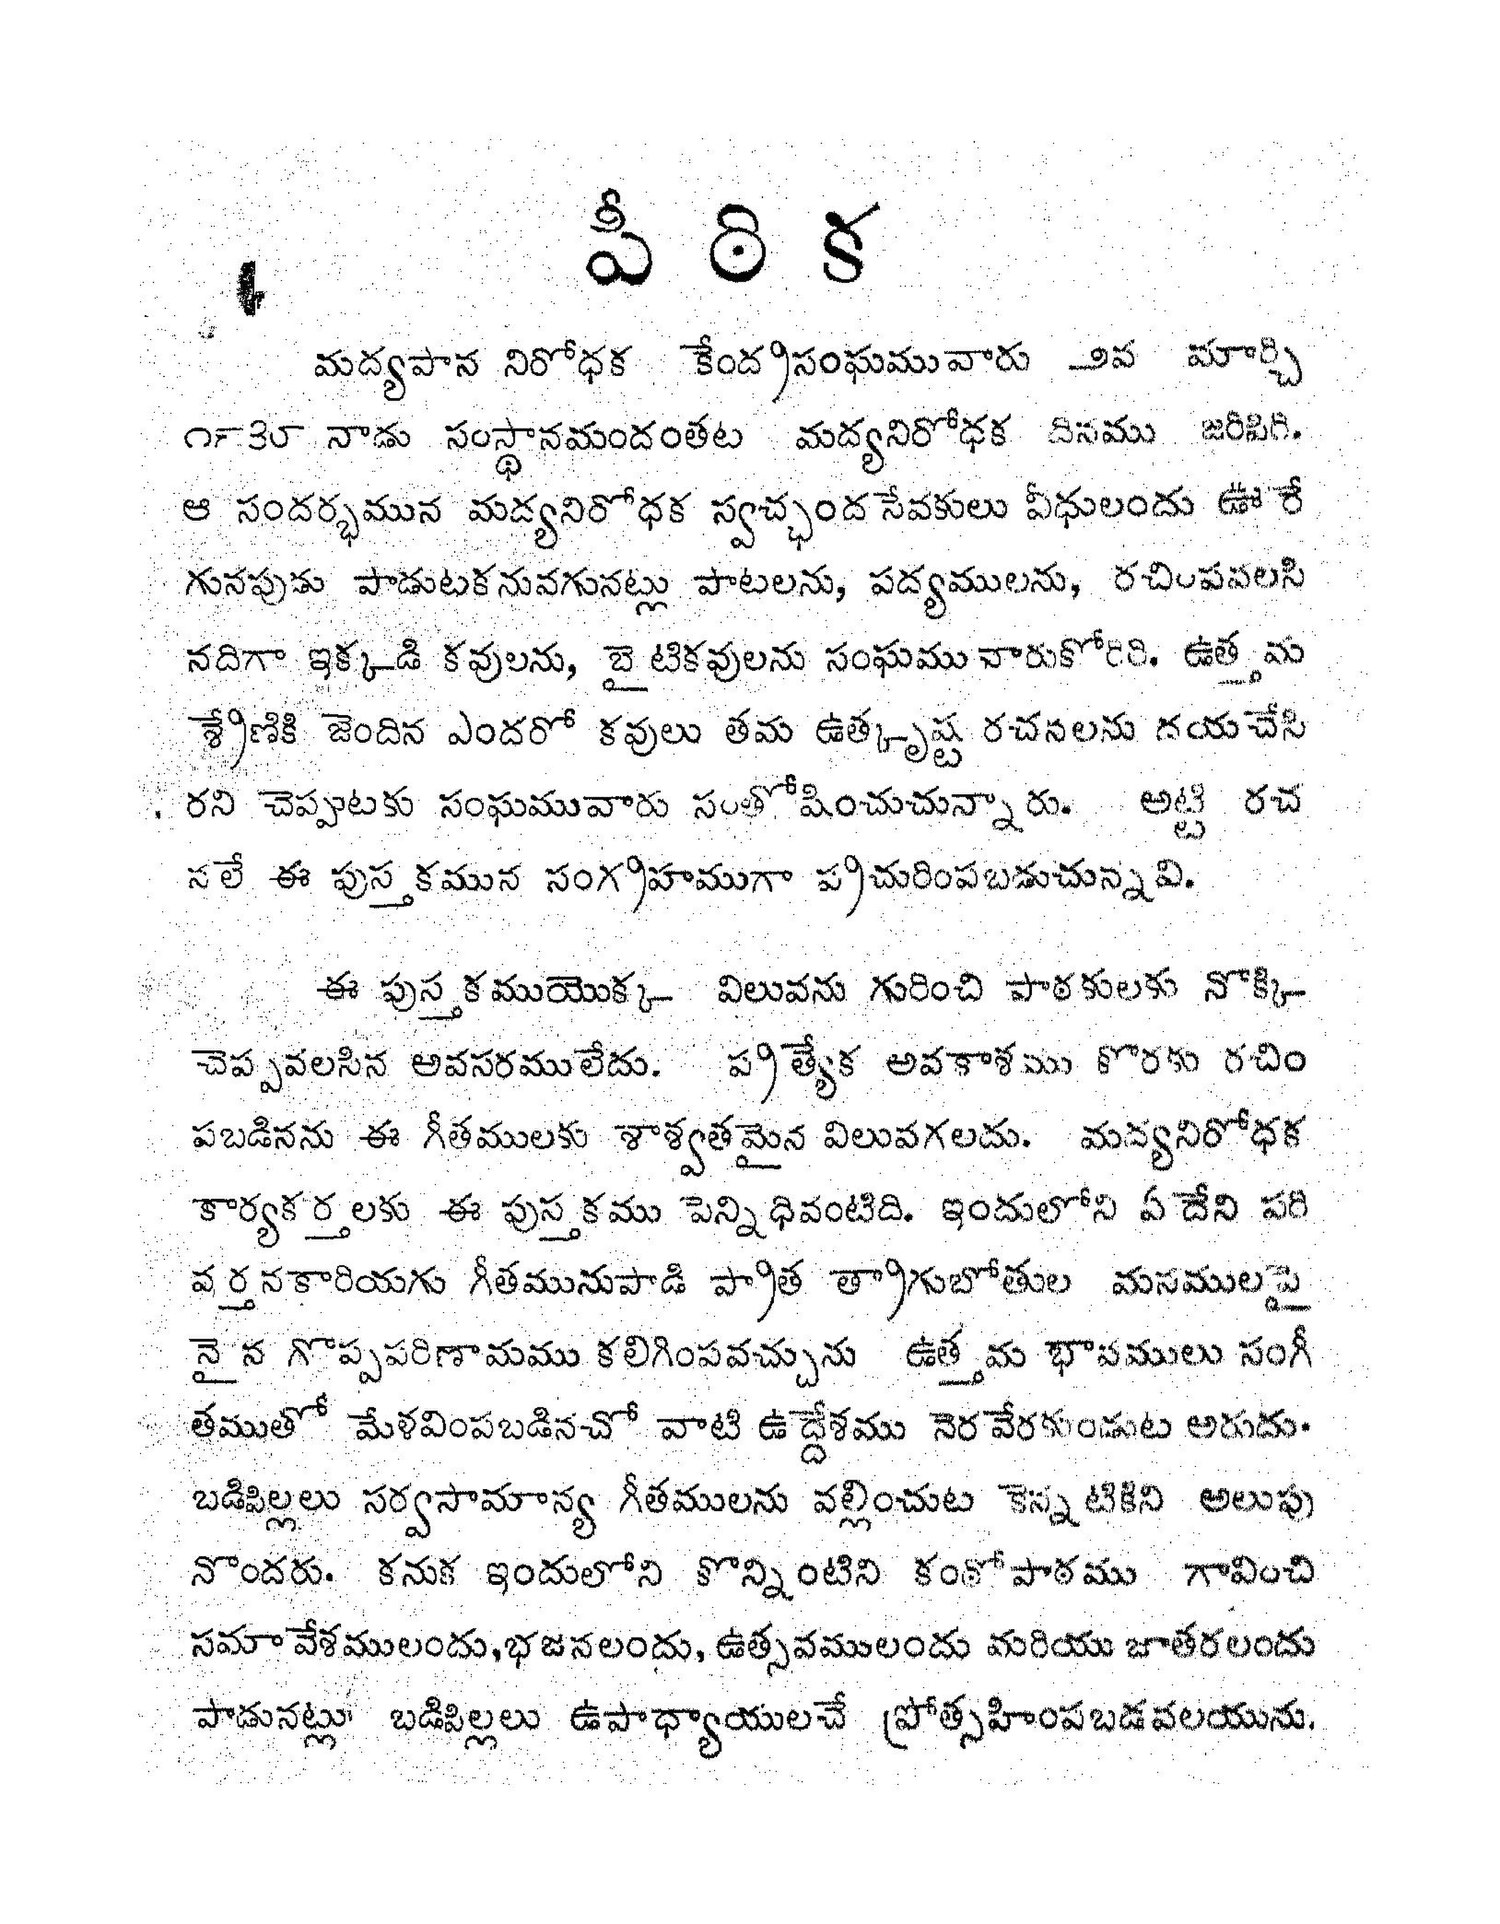మద్యపాన నిరోధక కేంద్ర సంఘము వారు అవ మార్చి
౧౯౩౮ నాడు . సంస్థానమందంతట మద్యనిరోధక దీనము జరిపిది
ఆ సందర్భమున మద్యనిరోధక స్వచ్ఛంద సేవకులు వీధులందు ఊ రే
గునపుడు పాడుటకనునగునట్లు పాటలను, పద్యములను, రచింపవలసి
నదిగా ఇక్కడి కవులను, బై టికవులను సంఘము వారుకోరిరి. ఉత్సమ
శ్రేణికి జెందిన ఎందరో కవులు తమ ఉత్కృష్ట రచనలను దయచేసి
రని చెప్పుటకు సంఘమువారు
నలే ఈ పుస్తకమున సంగం సంతోచుచున్నారు.
అటి రచ
ప్రచురింపబడుచున్నవి.

ఈ పుస్తకముయొక్క విలువను గురించి పాఠకులకు నొక్కి
చెప్పవలసిన అవసరములేదు. ప్రత్యేక అవకాశము కొరకు రచిం
పబడినను ఈ గీతములకు శాశ్వతమైన విలువగలదు. మద్యనిరోధక
కార్యకర్తలకు ఈ పుస్తకము పెన్నిధివంటిది. ఇందులోని ఏ దేని పరి
వర్తనకారియగు గీతమునుపాడి పాత తాగుబోతుల మనములపై
నై న గొప్పపరిణామము కలిగింపవచ్చును ఉత్తమ భావములు సంగీ
న
తముతో మేళవింపబడినచో వాటి ఉద్దేశము నెరవేరకుండుట అరుదు.
బడిపిల్లలు సర్వసామాన్య గీతములను వల్లించుట కెన్నటికిని అలుపు
నొందరు. కనుక ఇందులోని కొన్నింటిని కంఠోపాఠము గావించి.
సమా వేశములందు,భజనలందు, ఉత్సవములందు మరియు జాతరలందు
పాడునట్లు బడిపిల్లలు ఉపాధ్యాయులచే ప్రోత్సహింపబడవలయును.